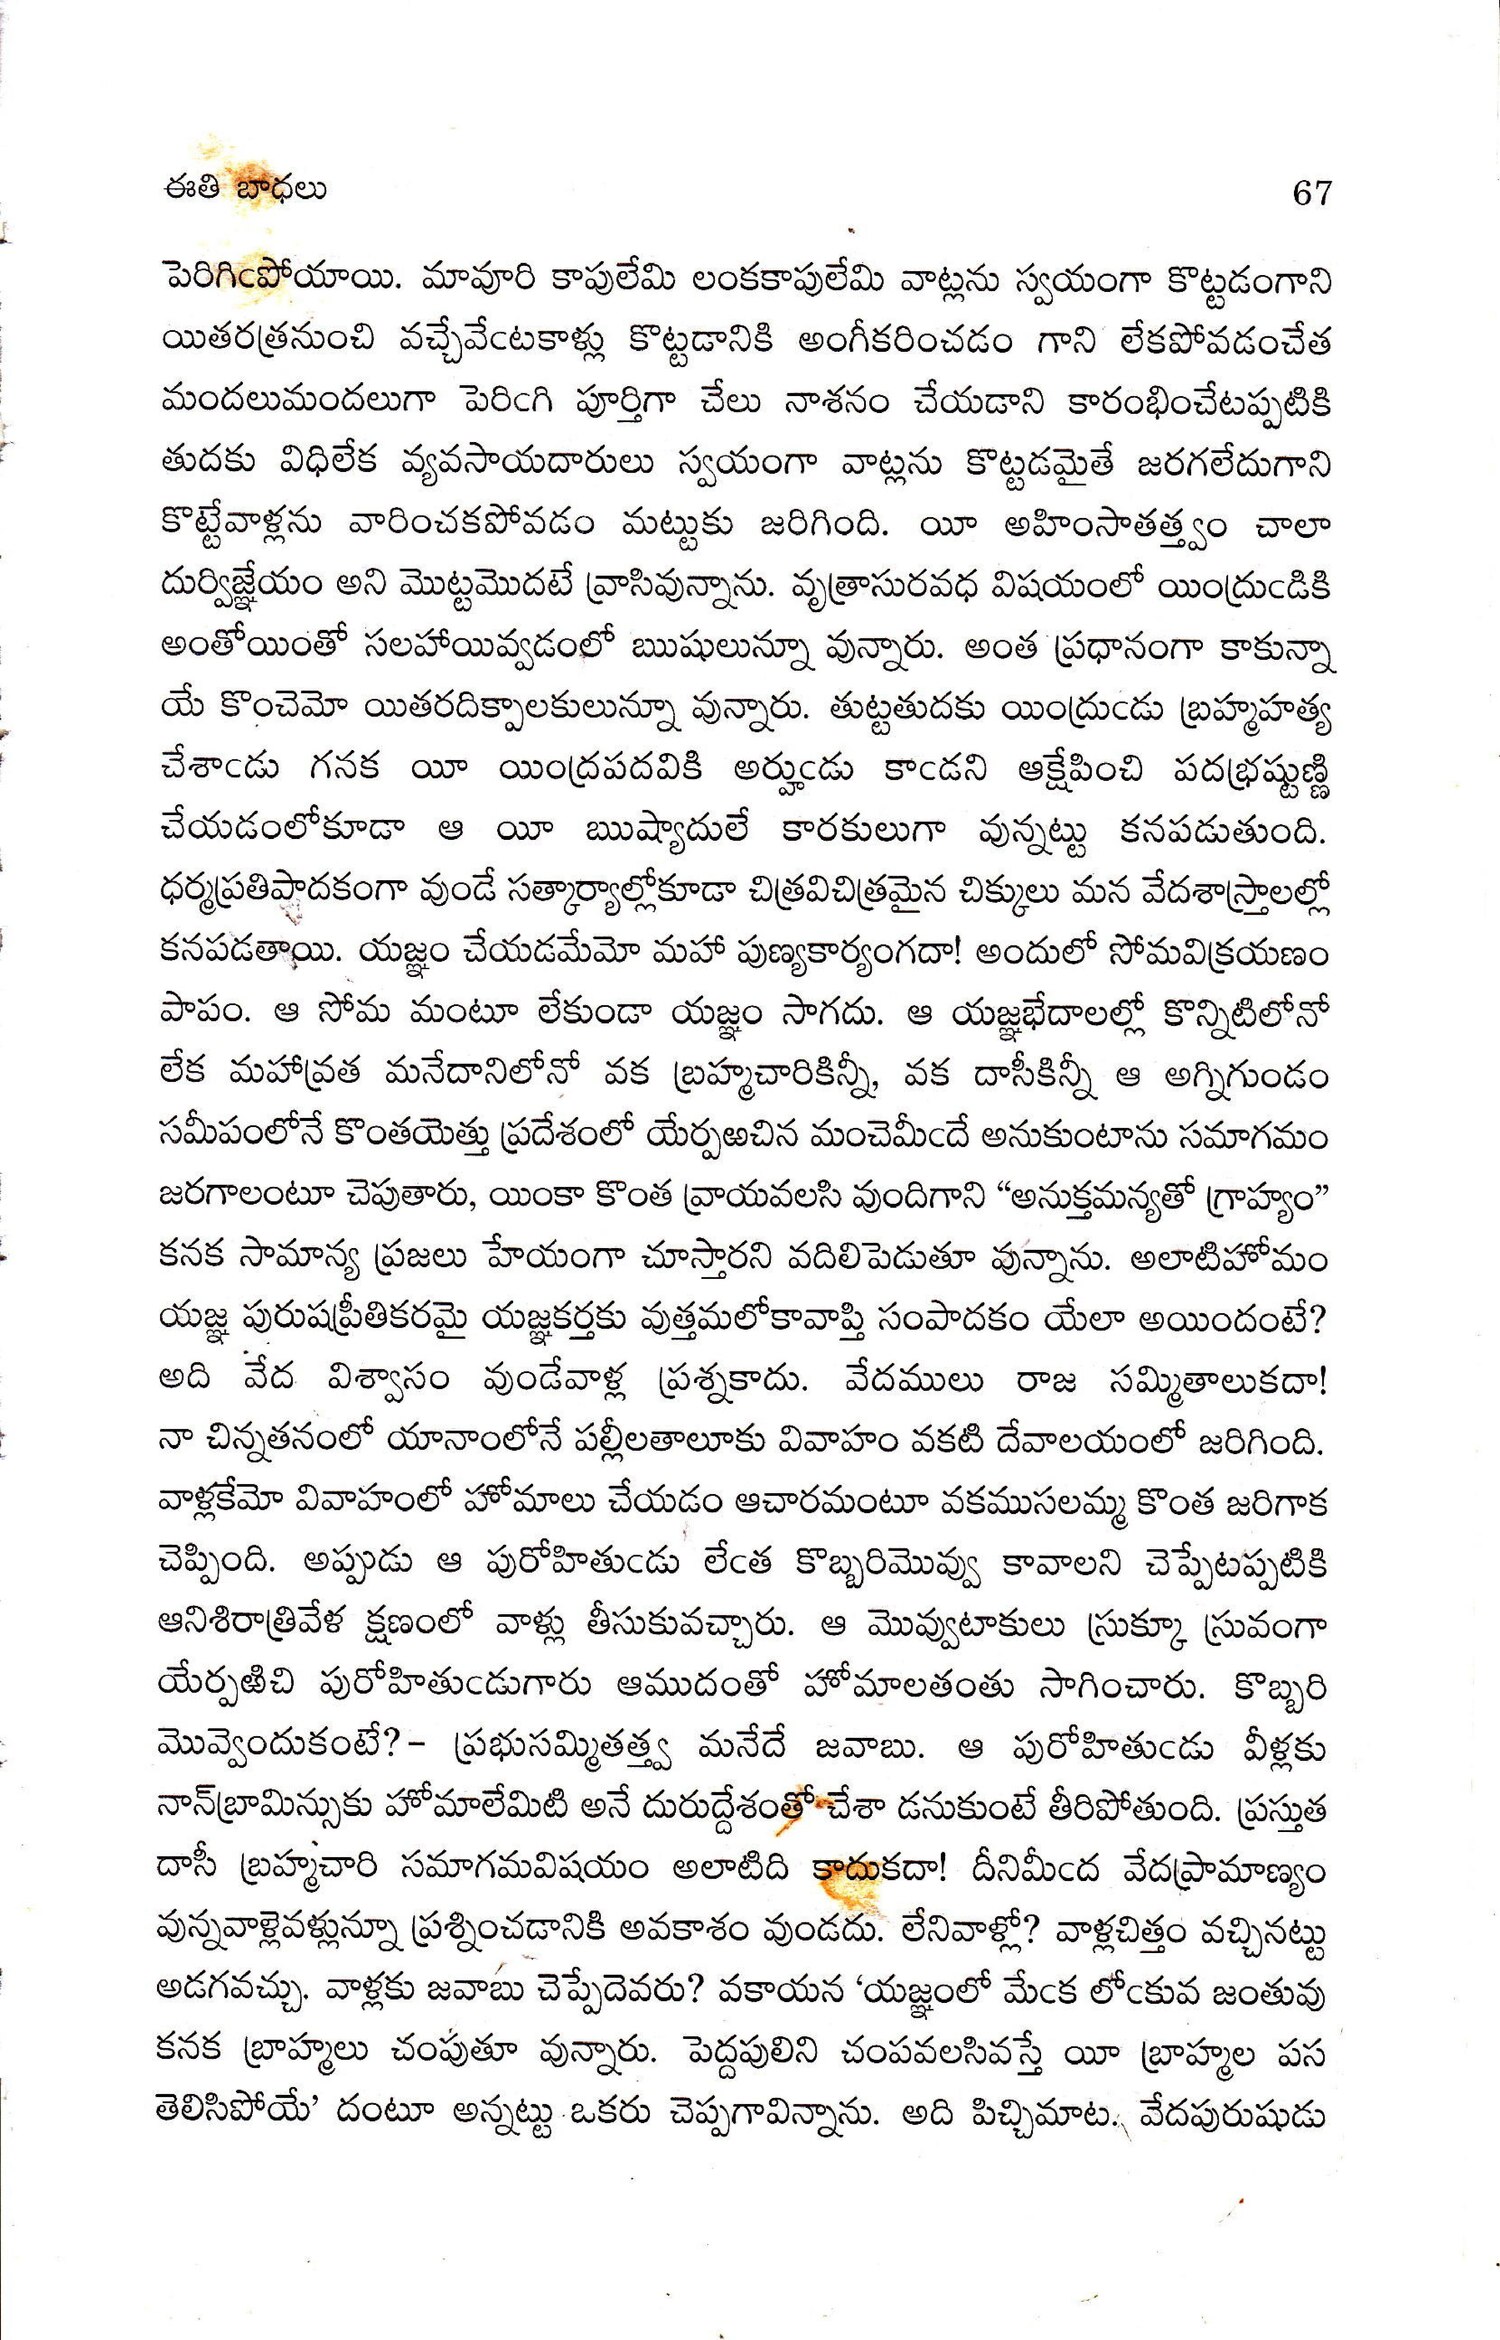పెరిగిఁపోయాయి. మావూరి కాపులేమి లంకకాపులేమి వాట్లను స్వయంగా కొట్టడంగాని యితరత్రనుంచి వచ్చేవేంటకాళ్లు కొట్టడానికి అంగీకరించడం గాని లేకపోవడంచేత మందలుమందలుగా పెరింగి పూర్తిగా చేలు నాశనం చేయడాని కారంభించేటప్పటికి తుదకు విధిలేక వ్యవసాయదారులు స్వయంగా వాట్లను కొట్టడమైతే జరగలేదుగాని కొట్టేవాళ్లను వారించకపోవడం మట్టుకు జరిగింది. యీ అహింసాతత్త్వం చాలా దుర్విజ్ఞేయం అని మొట్టమొదటే వ్రాసివున్నాను. వృత్రాసురవధ విషయంలో యింద్రుండికి అంతోయింతో సలహాయివ్వడంలో ఋషులున్నూ వున్నారు. అంత ప్రధానంగా కాకున్నా యే కొంచెమో యితరదిక్పాలకులున్నూ వున్నారు. తుట్టతుదకు యింద్రుండు బ్రహ్మహత్య చేశాండు గనక యీ యింద్రపదవికి అరుండు కాండని ఆక్షేపించి పదభ్రష్టుణ్ణి చేయడంలోకూడా ఆ యీ ఋష్యాదులే కారకులుగా వున్నట్టు కనపడుతుంది. ధర్మప్రతిష్టాదకంగా వుండే సత్కార్యాల్లోకూడా చిత్రవిచిత్రమైన చిక్కులు మన వేదశాస్తాలల్లో కనపడతాయి. యజ్ఞం చేయడమేమో మహా పుణ్యకార్యంగదా! అందులో సోమవిక్రయణం పాపం. ఆ సోమ మంటూ లేకుండా యజ్ఞం సాగదు. ఆ యజ్ఞభేదాలల్లో కొన్నిటిలోనో లేక మహావ్రత మనేదానిలోనో వక బ్రహ్మచారికిన్నీ వక దాసీకిన్నీ ఆ అగ్నిగుండం సమీపంలోనే కొంతయెత్తు ప్రదేశంలో యేర్పఱచిన మంచెమీందే అనుకుంటాను సమాగమం జరగాలంటూ చెపుతారు, యింకా కొంత వ్రాయవలసి వుందిగాని “అనుక్తమన్యతో గ్రాహ్యం" కనక సామాన్య ప్రజలు హేయంగా చూస్తారని వదిలిపెడుతూ వున్నాను. అలాటిహోమం యజ్ఞ పురుషప్రీతికరమై యజ్ఞకర్తకు వత్తమలోకావాప్తి సంపాదకం యేలా అయిందంటే? అది వేద విశ్వాసం వుండేవాళ్ల ప్రశ్నకాదు. వేదములు రాజ సమ్మితాలుకదా! నా చిన్నతనంలో యానాంలోనే పల్లీలతాలూకు వివాహం వకటి దేవాలయంలో జరిగింది. వాళ్లకేమో వివాహంలో హోమాలు చేయడం ఆచారమంటూ వకముసలమ్మ కొంత జరిగాక చెప్పింది. అప్పడు ఆ పురోహితుండు లేంత కొబ్బరిమొవ్వు కావాలని చెప్పేటప్పటికి ఆనిశిరాత్రివేళ క్షణంలో వాళ్లు తీసుకువచ్చారు. ఆ మొవ్వటాకులు స్రుక్కూ స్రువంగా యేర్పటిచి పురోహితుండుగారు ఆముదంతో హోమాలతంతు సాగించారు. కొబ్బరి మొవ్వెందుకంటే? - ప్రభుసమ్మితత్త్వ మనేదే జవాబు. ఆ పురోహితుండు వీళ్లకు నాన్బ్రామిన్సుకు హోమాలేమిటి అనే దురుద్దేశంతో చేశాడనుకుంటే తీరిపోతుంది. ప్రస్తుత దాసీ బ్రహ్మచారి సమాగమవిషయం అలాటిది క్షాదుకదా! దీనిమీంద వేదప్రామాణ్యం వున్నవాళ్లేవళ్లున్నూ ప్రశ్నించడానికి అవకాశం వుండదు. లేనివా? వాళ్లచిత్తం వచ్చినట్టు అడగవచ్చు. వాళ్లకు జవాబు చెప్పేదెవరు? వకాయన యజ్ఞంలో మేంక లోఁకువ జంతువు కనక బ్రాహ్మలు చంపుతూ వున్నారు. పెద్దపులిని చంపవలసివస్తే యీ బ్రాహ్మల పస తెలిసిపోయే' దంటూ అన్నట్టు ఒకరు చెప్పగావిన్నాను. అది పిచ్చిమాట. వేదపురుషుడు